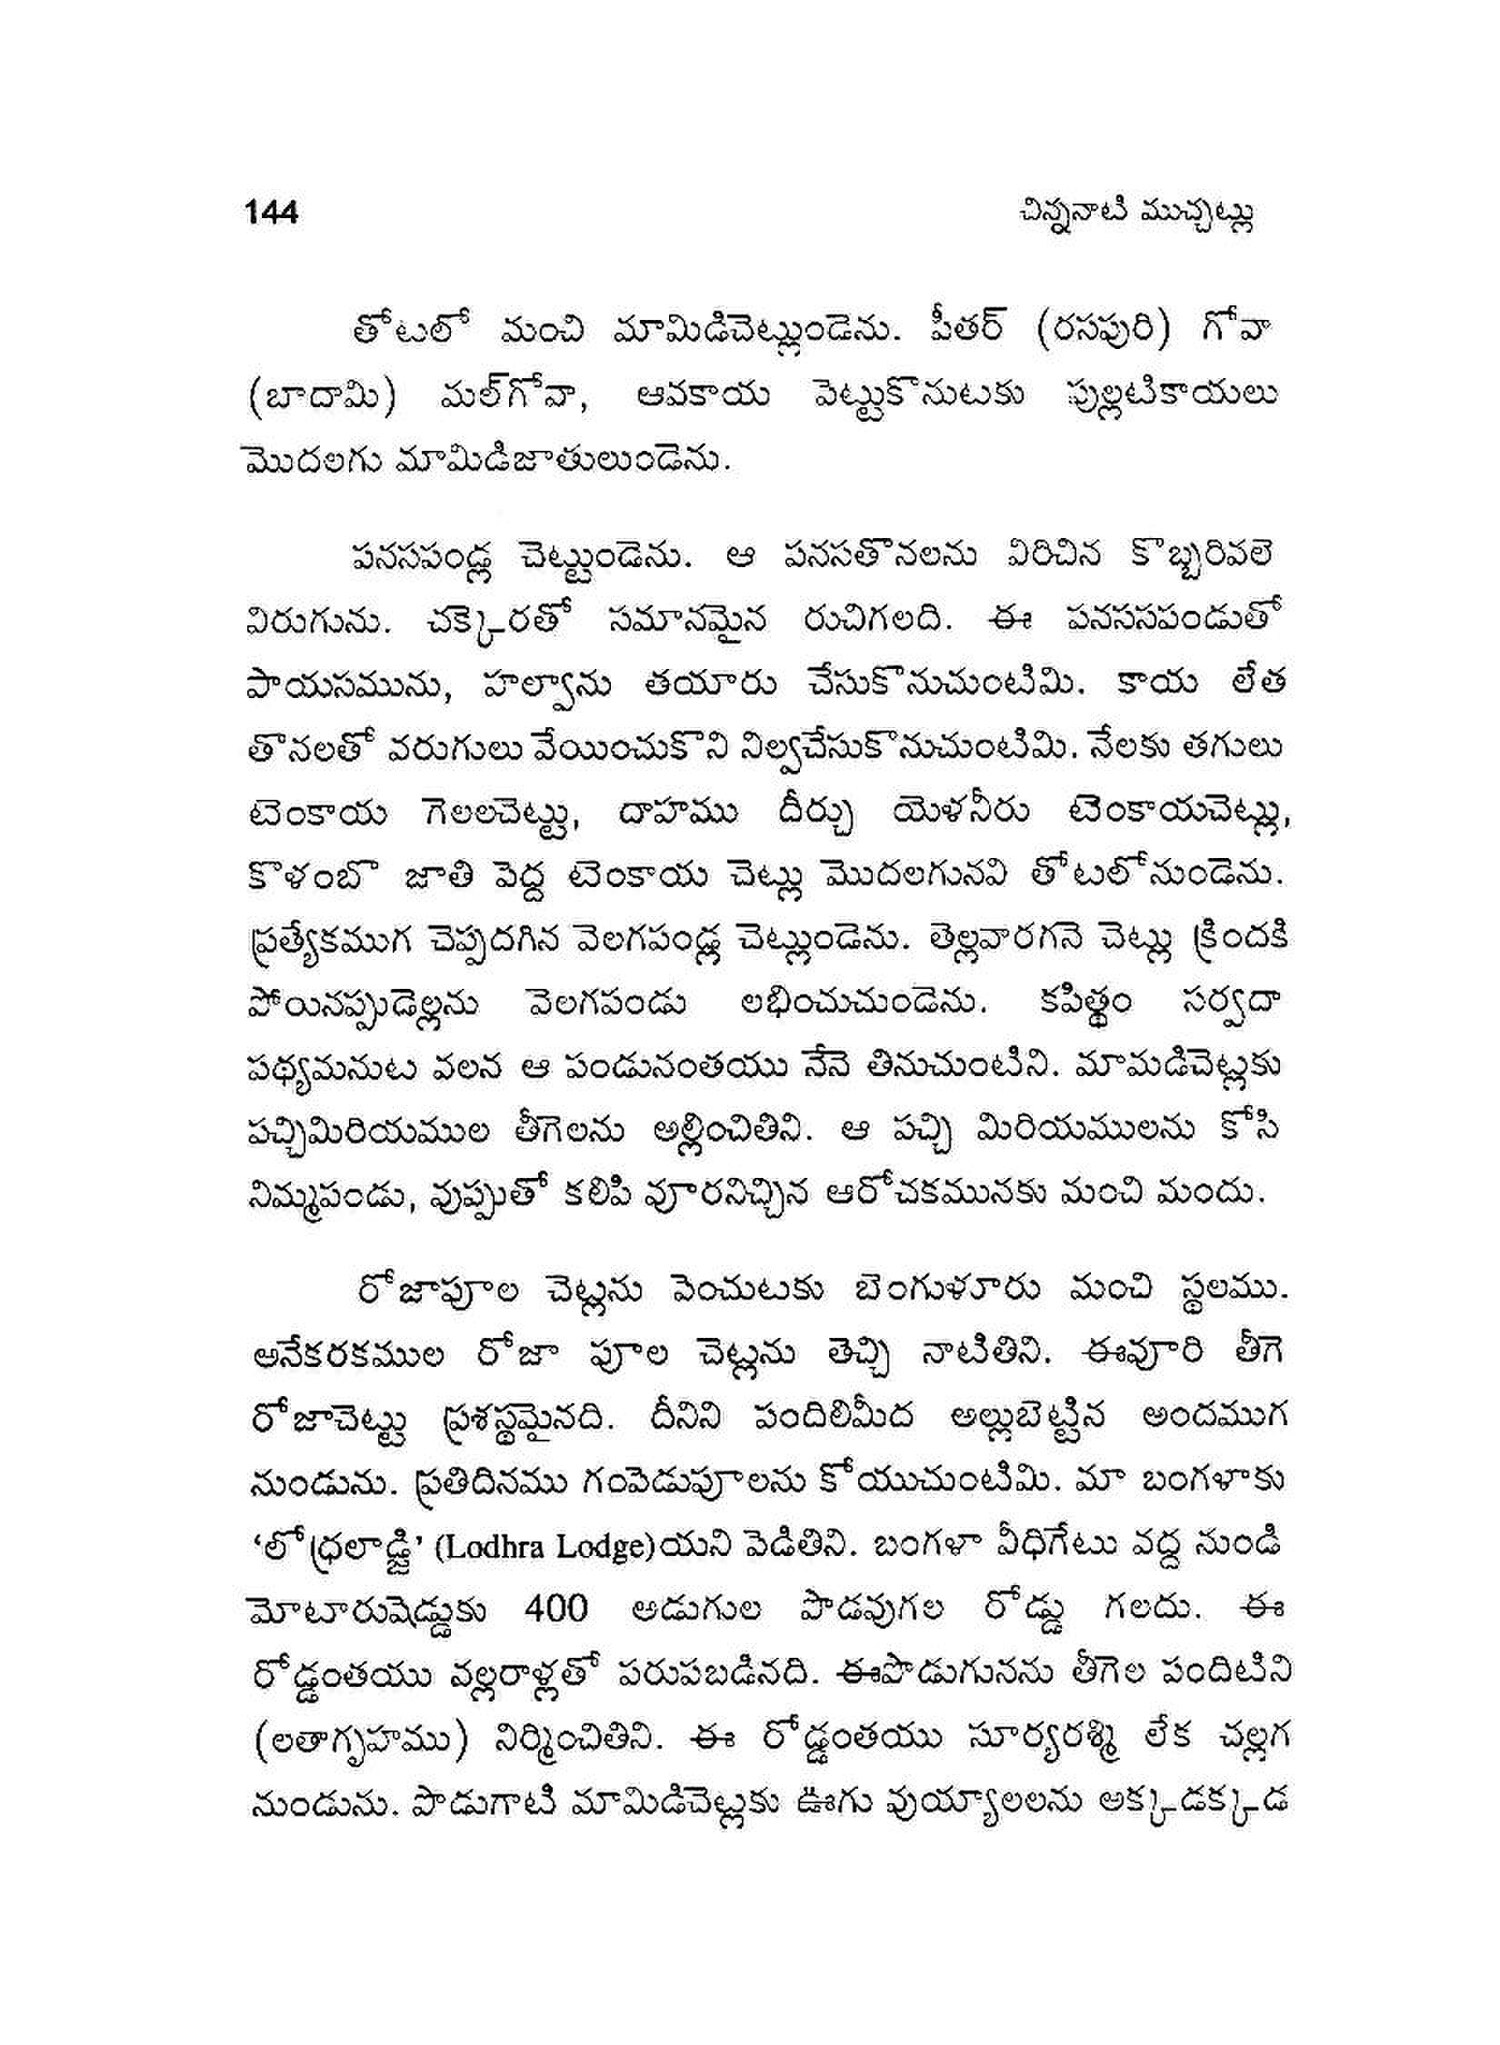తోటలో మంచి మామిడిచెట్లుండెను. పీతర్ (రసపురి) గోవా (బాదామి) మల్ గోవా, ఆవకాయ పెట్టుకొనుటకు పుల్లటికాయలు మొదలగు మామిడిజాతులుండెను.

పనసపండ్ల చెట్టుండెను. ఆ పనసతొనలను విరిచిన కొబ్బరివలె విరుగును. చక్కెరతో సమానమైన రుచిగలది. ఈ పనసపండుతో పాయసమును, హల్వాను తయారు చేసుకొనుచుంటిమి. కాయ లేత తొనలతో వరుగులు వేయించుకొని నిల్వచేసుకొనుచుంటిమి. నేలకు తగులు టెంకాయ గెలలచెట్టు, దాహము దీర్చు యెళనీరు టెంకాయచెట్లు, కొళంబొ జాతి పెద్ద టెంకాయ చెట్లు మొదలగునవి తోటలోనుండెను. ప్రత్యేకముగ చెప్పదగిన వెలగపండ్ల చెట్లుండెను. తెల్లవారగనె చెట్టు క్రిందకి పోయినప్పుడెల్లను వెలగపండు లభించుచుండెను. కపిత్థం సర్వదా పథ్యమనుట వలన ఆ పండునంతయు నేనె తినుచుంటిని. మామడిచెట్లకు పచ్చిమిరియముల తీగెలను అల్లించితిని. ఆ పచ్చి మిరియములను కోసి నిమ్మపండు, వుప్పుతో కలిపి వూరనిచ్చిన ఆరోచకమునకు మంచి మందు.

రోజాపూల చెట్లను పెంచుటకు బెంగుళూరు మంచి స్థలము. అనేకరకముల రోజా పూల చెట్లను తెచ్చి నాటితిని. ఈవూరి తీగె రోజాచెట్టు ప్రశస్థమైనది. దీనిని పందిలిమీద అల్లుబెట్టిన అందముగ నుండును. ప్రతిదినము గంపెడుపూలను కోయుచుంటిమి. మా బంగళాకు 'లోధ్రలాడ్డి' (Lodhra Lodge)యని పెడితిని. బంగళా వీధిగేటు వద్ద నుండి మోటారుషెడ్డుకు 400 అడుగుల పొడవుగల రోడ్డు గలదు. ఈ రోడ్డంతయు నల్లరాళ్లతో పరుపబడినది. ఈపొడుగునను తీగెల పందిటిని (లతాగృహము) నిర్మించితిని. ఈ రోడ్డంతయు సూర్యరశ్మి లేక చల్లగ నుండును. పొడుగాటి మామిడిచెట్లకు ఊగు వుయ్యాలలను అక్కడక్కడ